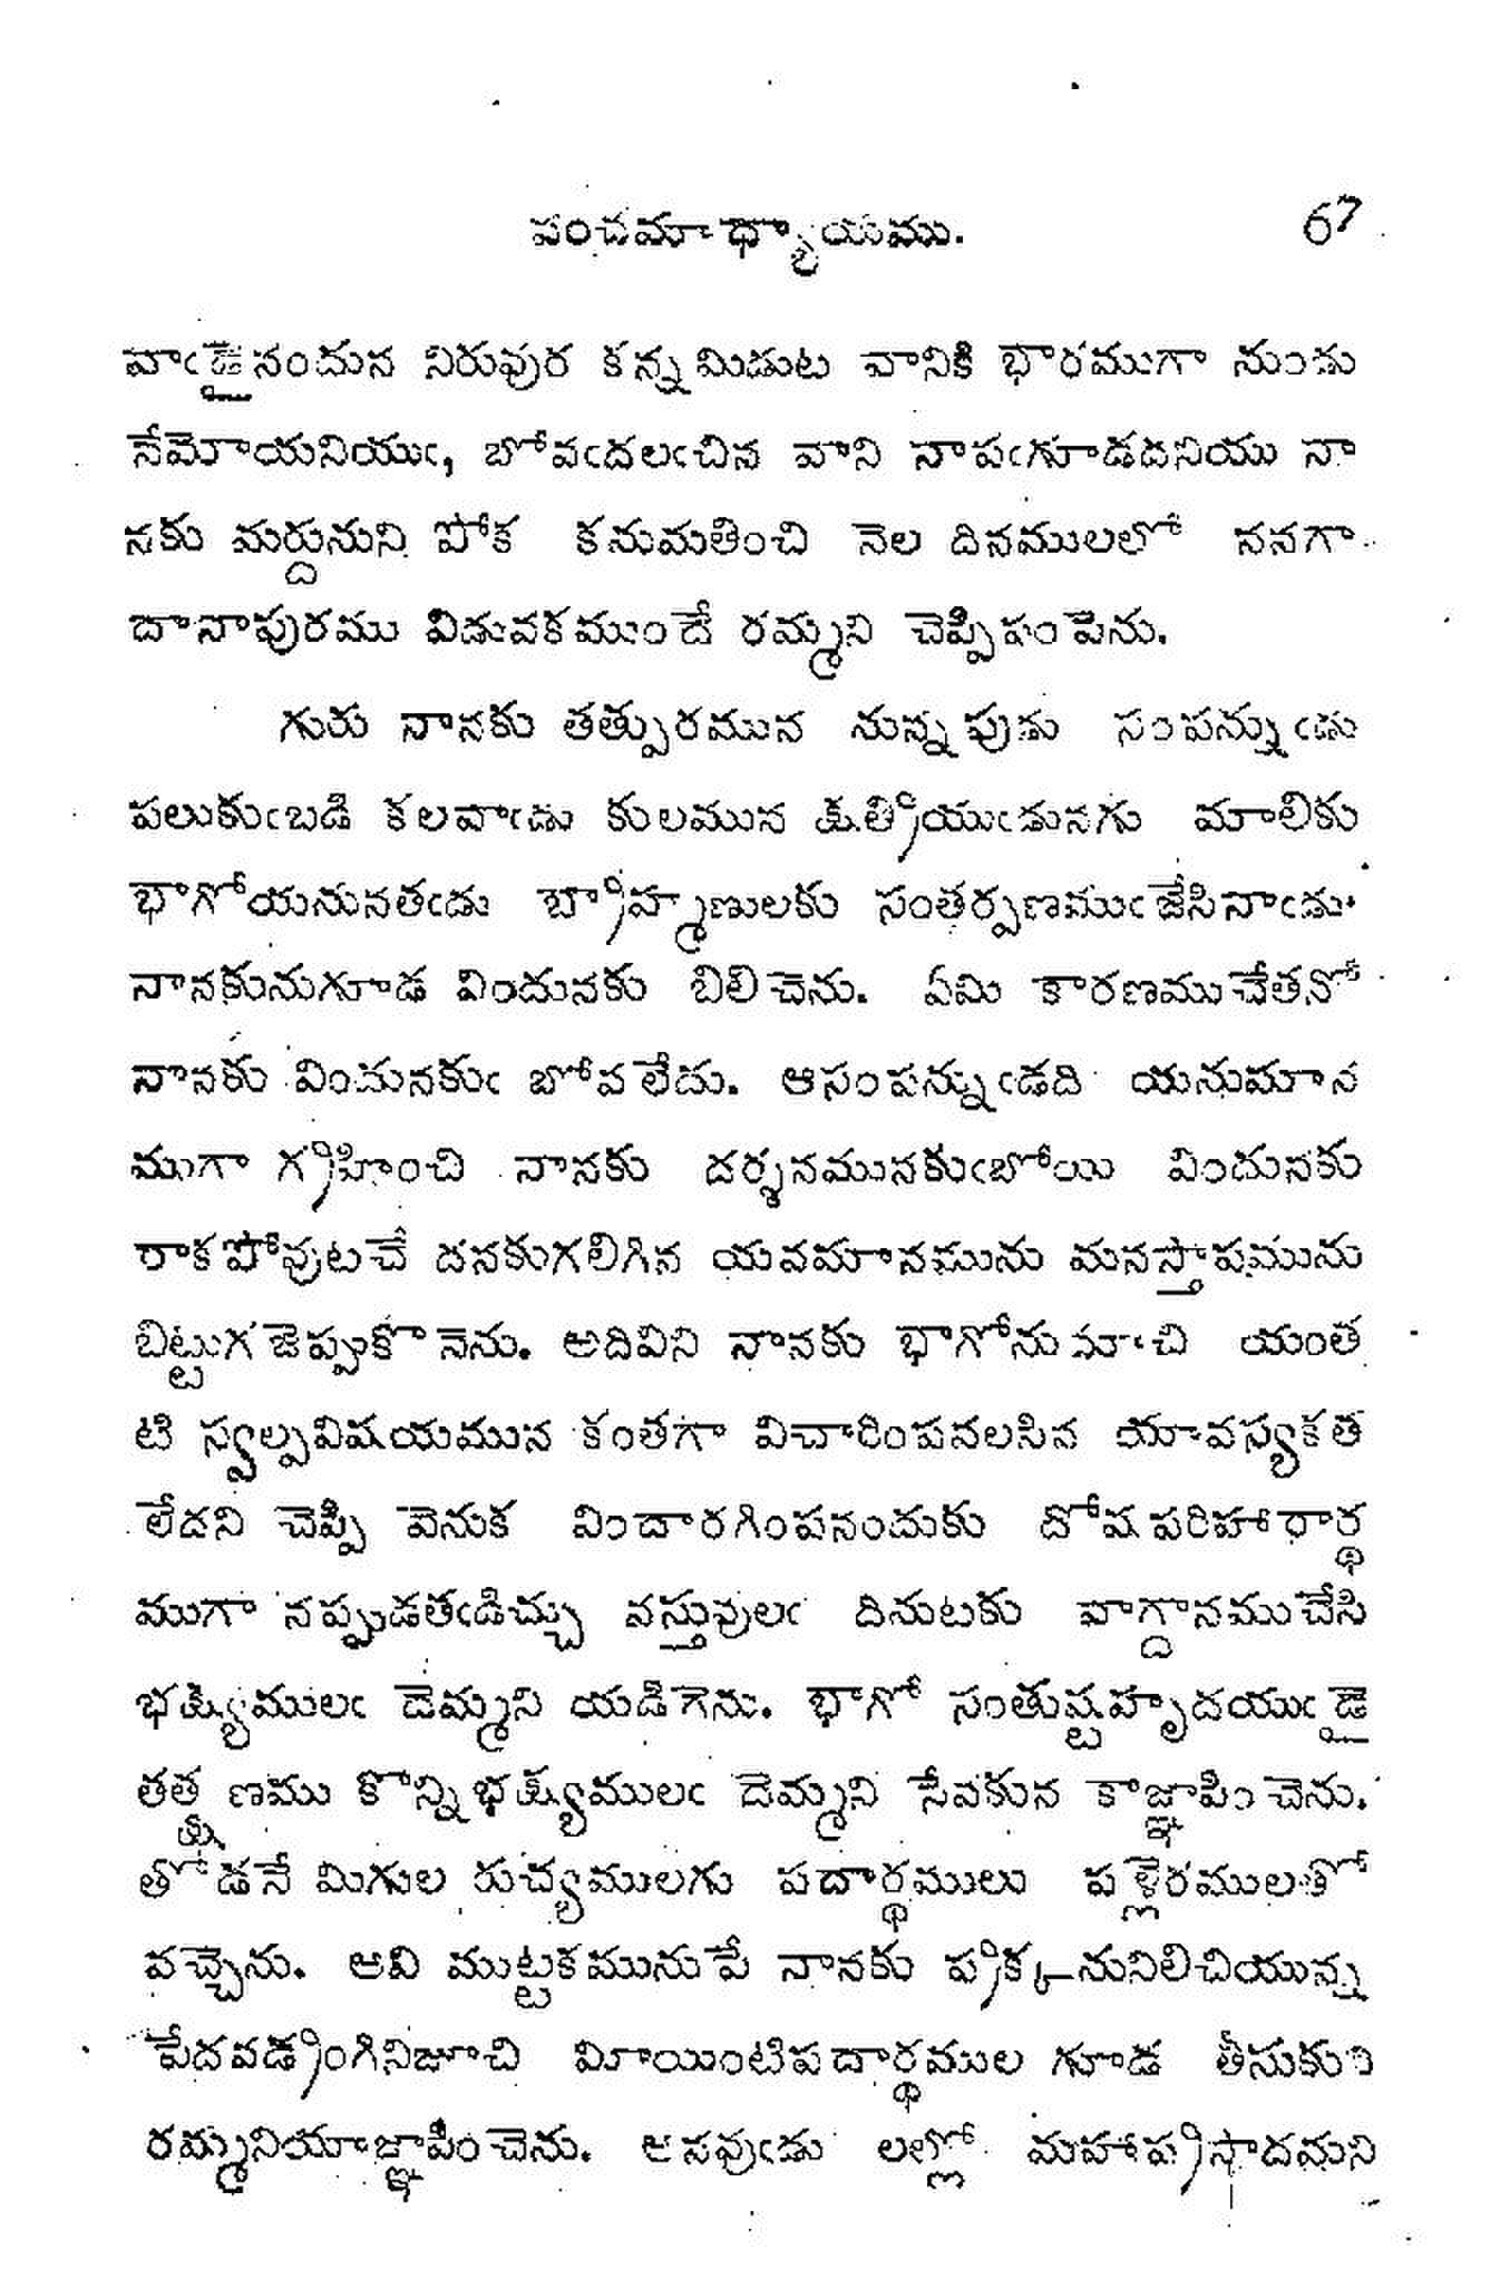వాడైనందున నిరువుర కన్నమిడుట వానికి భారముగా నుండు నేమోయనియు, బోవదలచిన వాని నాప గూడదనియు నానకు మర్దనుని పోక కనుమతించి నెల దినములలో ననగా దానాపురము విడువకముందే రమ్మని చెప్పిపంపెను.

గురు నానకు తత్పురమున నున్నప్పుడు సంపన్నుడు పలుకుబడి కలవాడు కులమున క్షత్రియుడునగు మాలికు భాగోయనునతడు బ్రాహ్మణులకు సంతర్పణము జేసినాడు. నానకునుగూడ విందునకు బిలిచెను. ఏమి కారణముచేతనో నానకు విందునకు బోవలేదు. ఆసంపన్నుడది యనుమానముగా గ్రహించి నానకు దర్శనమునకుబోయి విందునకు రాకపోవుటచే దనకుగలిగిన యవమానమును మనస్తాపమును బిట్టుగజెప్పుకొనెను. అదివిని నానకు భాగోనుచూచి యంతటి స్వల్పవిషయమున కంతగా విచారింపవలసిన యావస్యకత లేదని చెప్పి వెనుక విందారగింపనందుకు దోషపరిహారార్థముగా నప్పుడతడిచ్చు వస్తువుల దినుటకు వాగ్దానముచేసి భక్ష్యముల దెమ్మని యడిగెను. భాగో సంతుష్టహృదయుడై తక్షణము కొన్నిభక్ష్యముల దెమ్మని సేవకున కాజ్ఞాపించెను. తోడనే మిగుల రుచ్యములగు పదార్థములు పళ్లెరములతో వచ్చెను. అవి ముట్టకమునుపే నానకు ప్రక్కనునిలిచియున్న పేదవడ్రంగినిజూచి మీయింటిపదార్థముల గూడ తీసుకుని రమ్మనియాజ్ఞాపించెను. అనవుడు లల్లో మహాప్రసాదమని